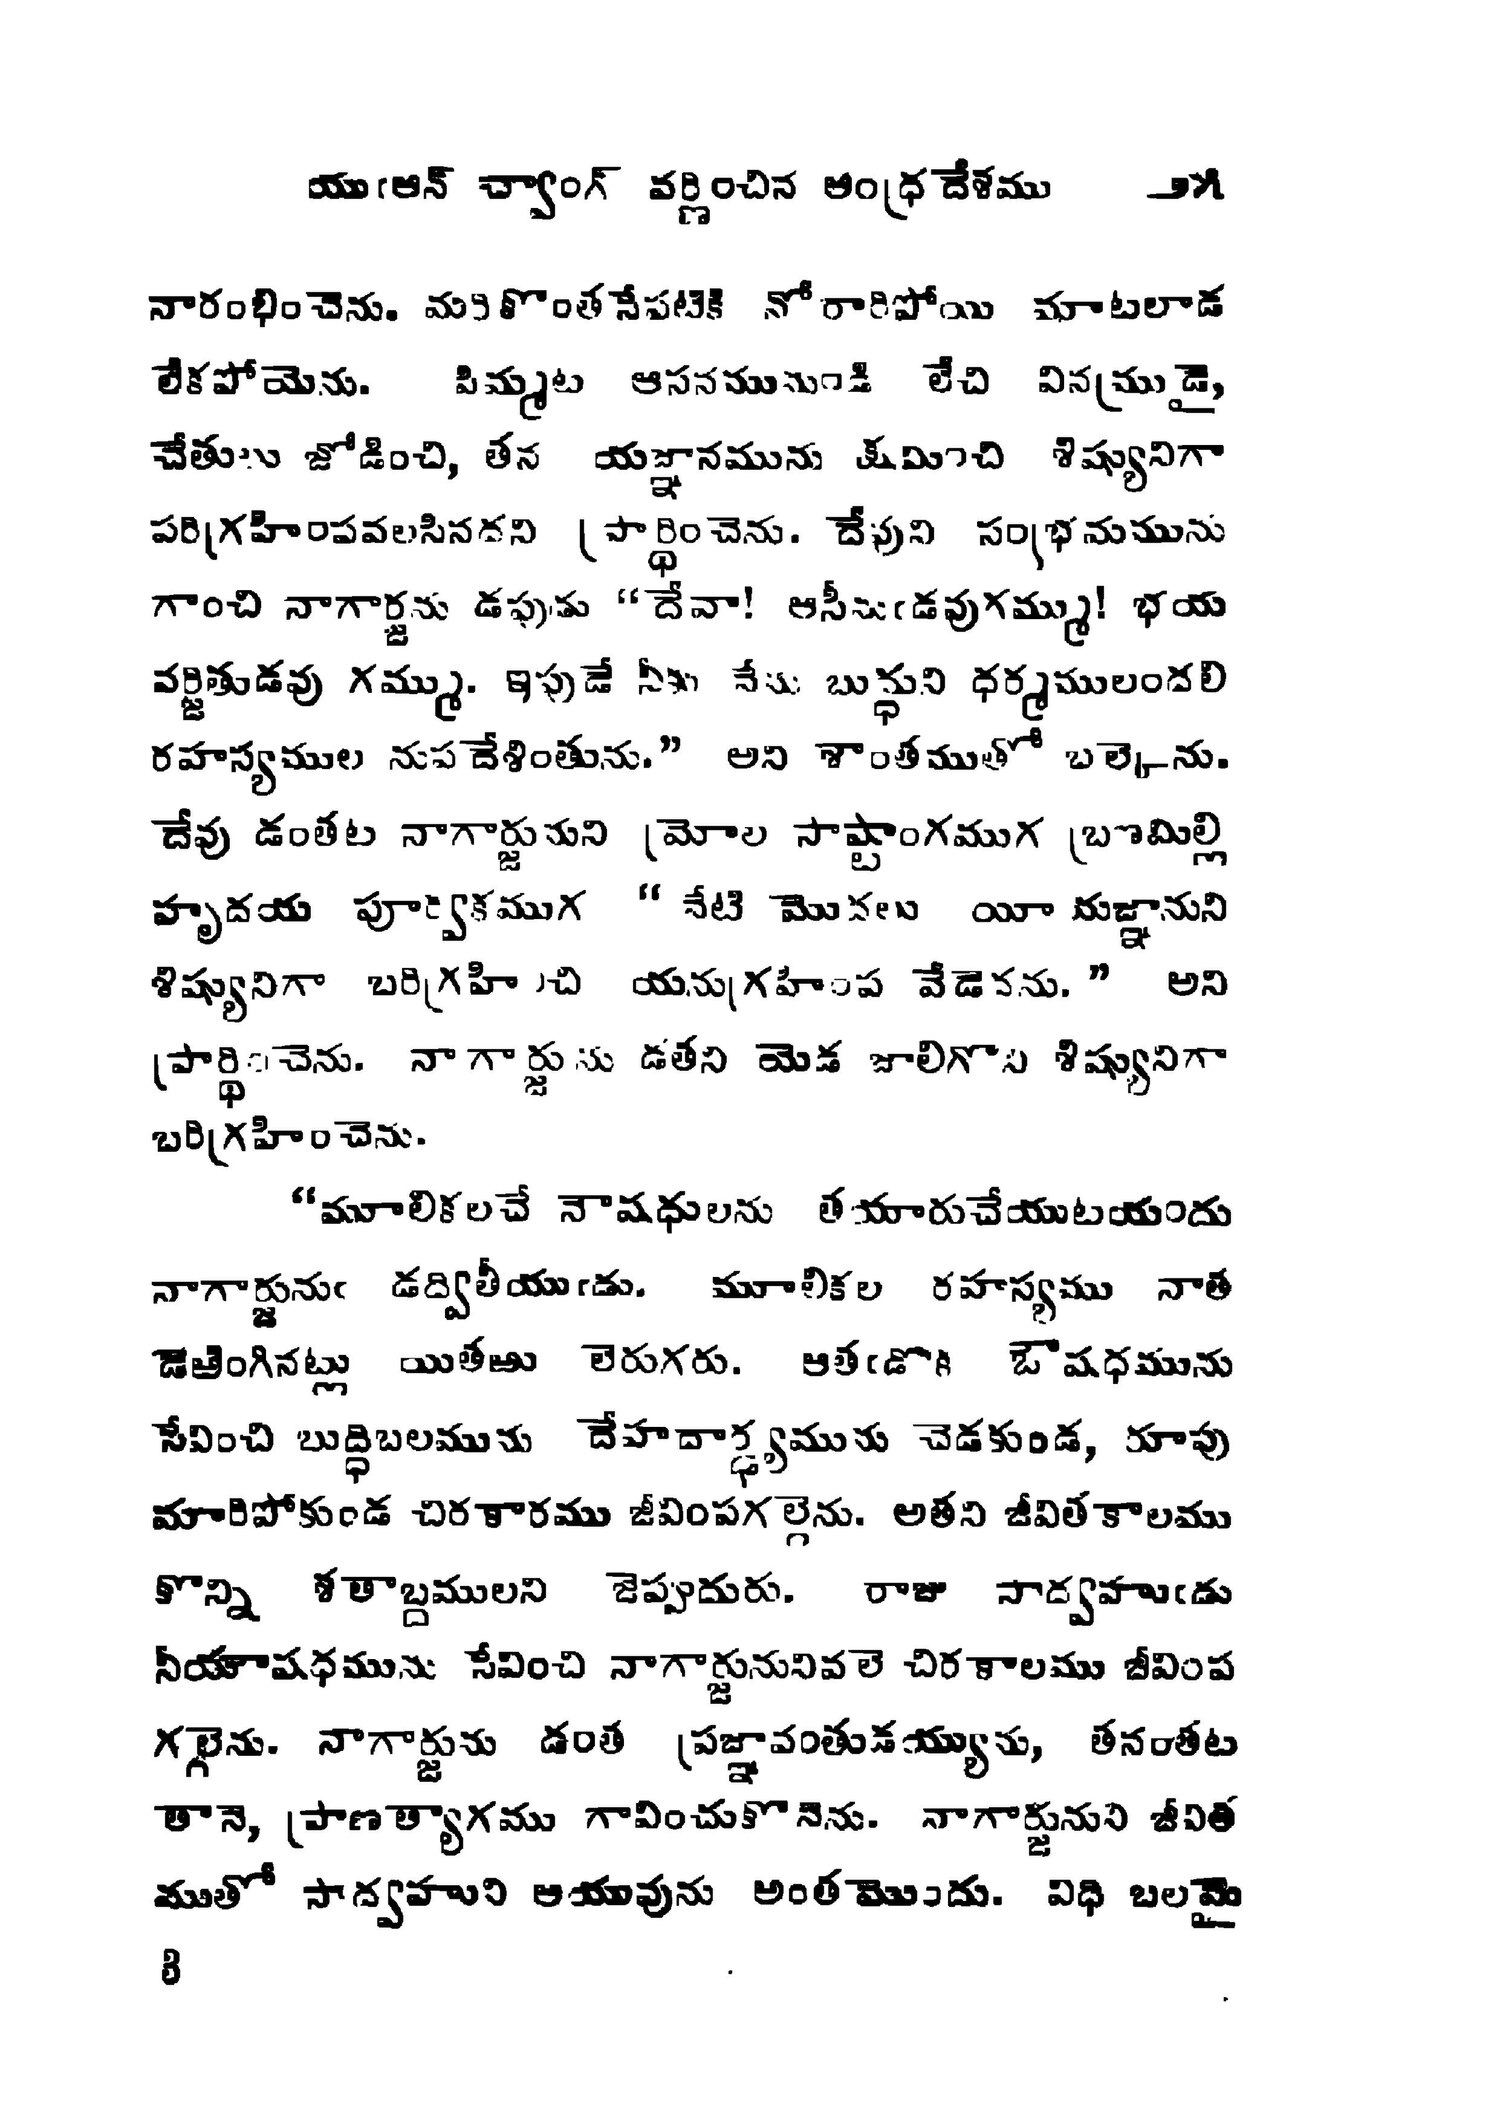నారంభించెను. మరి కొంతసేపటికి నోరారిపోయి మాటలాడలేకపోయెను. పిమ్మట ఆసనమునుండి లేచి వినమ్రుడై, చేతులు జోడించి, తన యజ్ఞానమును క్షమించి శిష్యునిగా పరిగ్రహింపవలసినదని ప్రార్థించెను. దేవుని సంభ్రమమును గాంచి నాగార్జునుడపుడు "దేవా! ఆసీనుడవుగమ్ము! భయవర్జితుడవు గమ్ము. ఇపుడే నీకు నేను బుద్ధుని ధర్మములందలి రహస్యముల నుపదేశింతును." అని శాతంతో బల్కెను. దేవుడంతట నాగార్జునుని మ్రోల సాష్టాంగముగ బ్రణమిల్లి హృదయ పూర్వకముగ" నేటి మొదలు యిా యజ్ఞానుని శిష్యునిగా బరిగ్రహించి యనుగ్రహింప వేడెదను." అని ప్రార్థించెను. నాగార్జునుడతని యెడ జాలిగొని శిష్యునిగా బరిగ్రహించెను.

"మూలికలచే నౌషధులను తయారు చేయుట యందు నాగార్జును డద్వీతీయుడు. మూలికల రహస్యము నాత డెఱింగినట్లు యితఱు లెరుగరు. అతడొక ఔషధమును సేవించి బుద్ధి బలమును దేహదార్ఢ్యమును చెడకుండ, రూపు మారిపోకుండ చిరకాలము జీవింపగల్గెను. అతని జీవితకాలము కొన్నిశతాబ్దములని జెప్పుదురు. రాజు సాద్వహుడు నీయౌషధమును సేవించి నాగార్జునివలె చిరకాలము జీవింపగల్గెను. నాగార్జును డంత ప్రజ్ఞావంతుడయ్యు ను, తనంతట తానె, ప్రాణ త్యాగము గావించుకొనెను. నాగార్జునుని జీవితముతో సాద్వహుని ఆయువును అంతమొందు. విధి బలమై